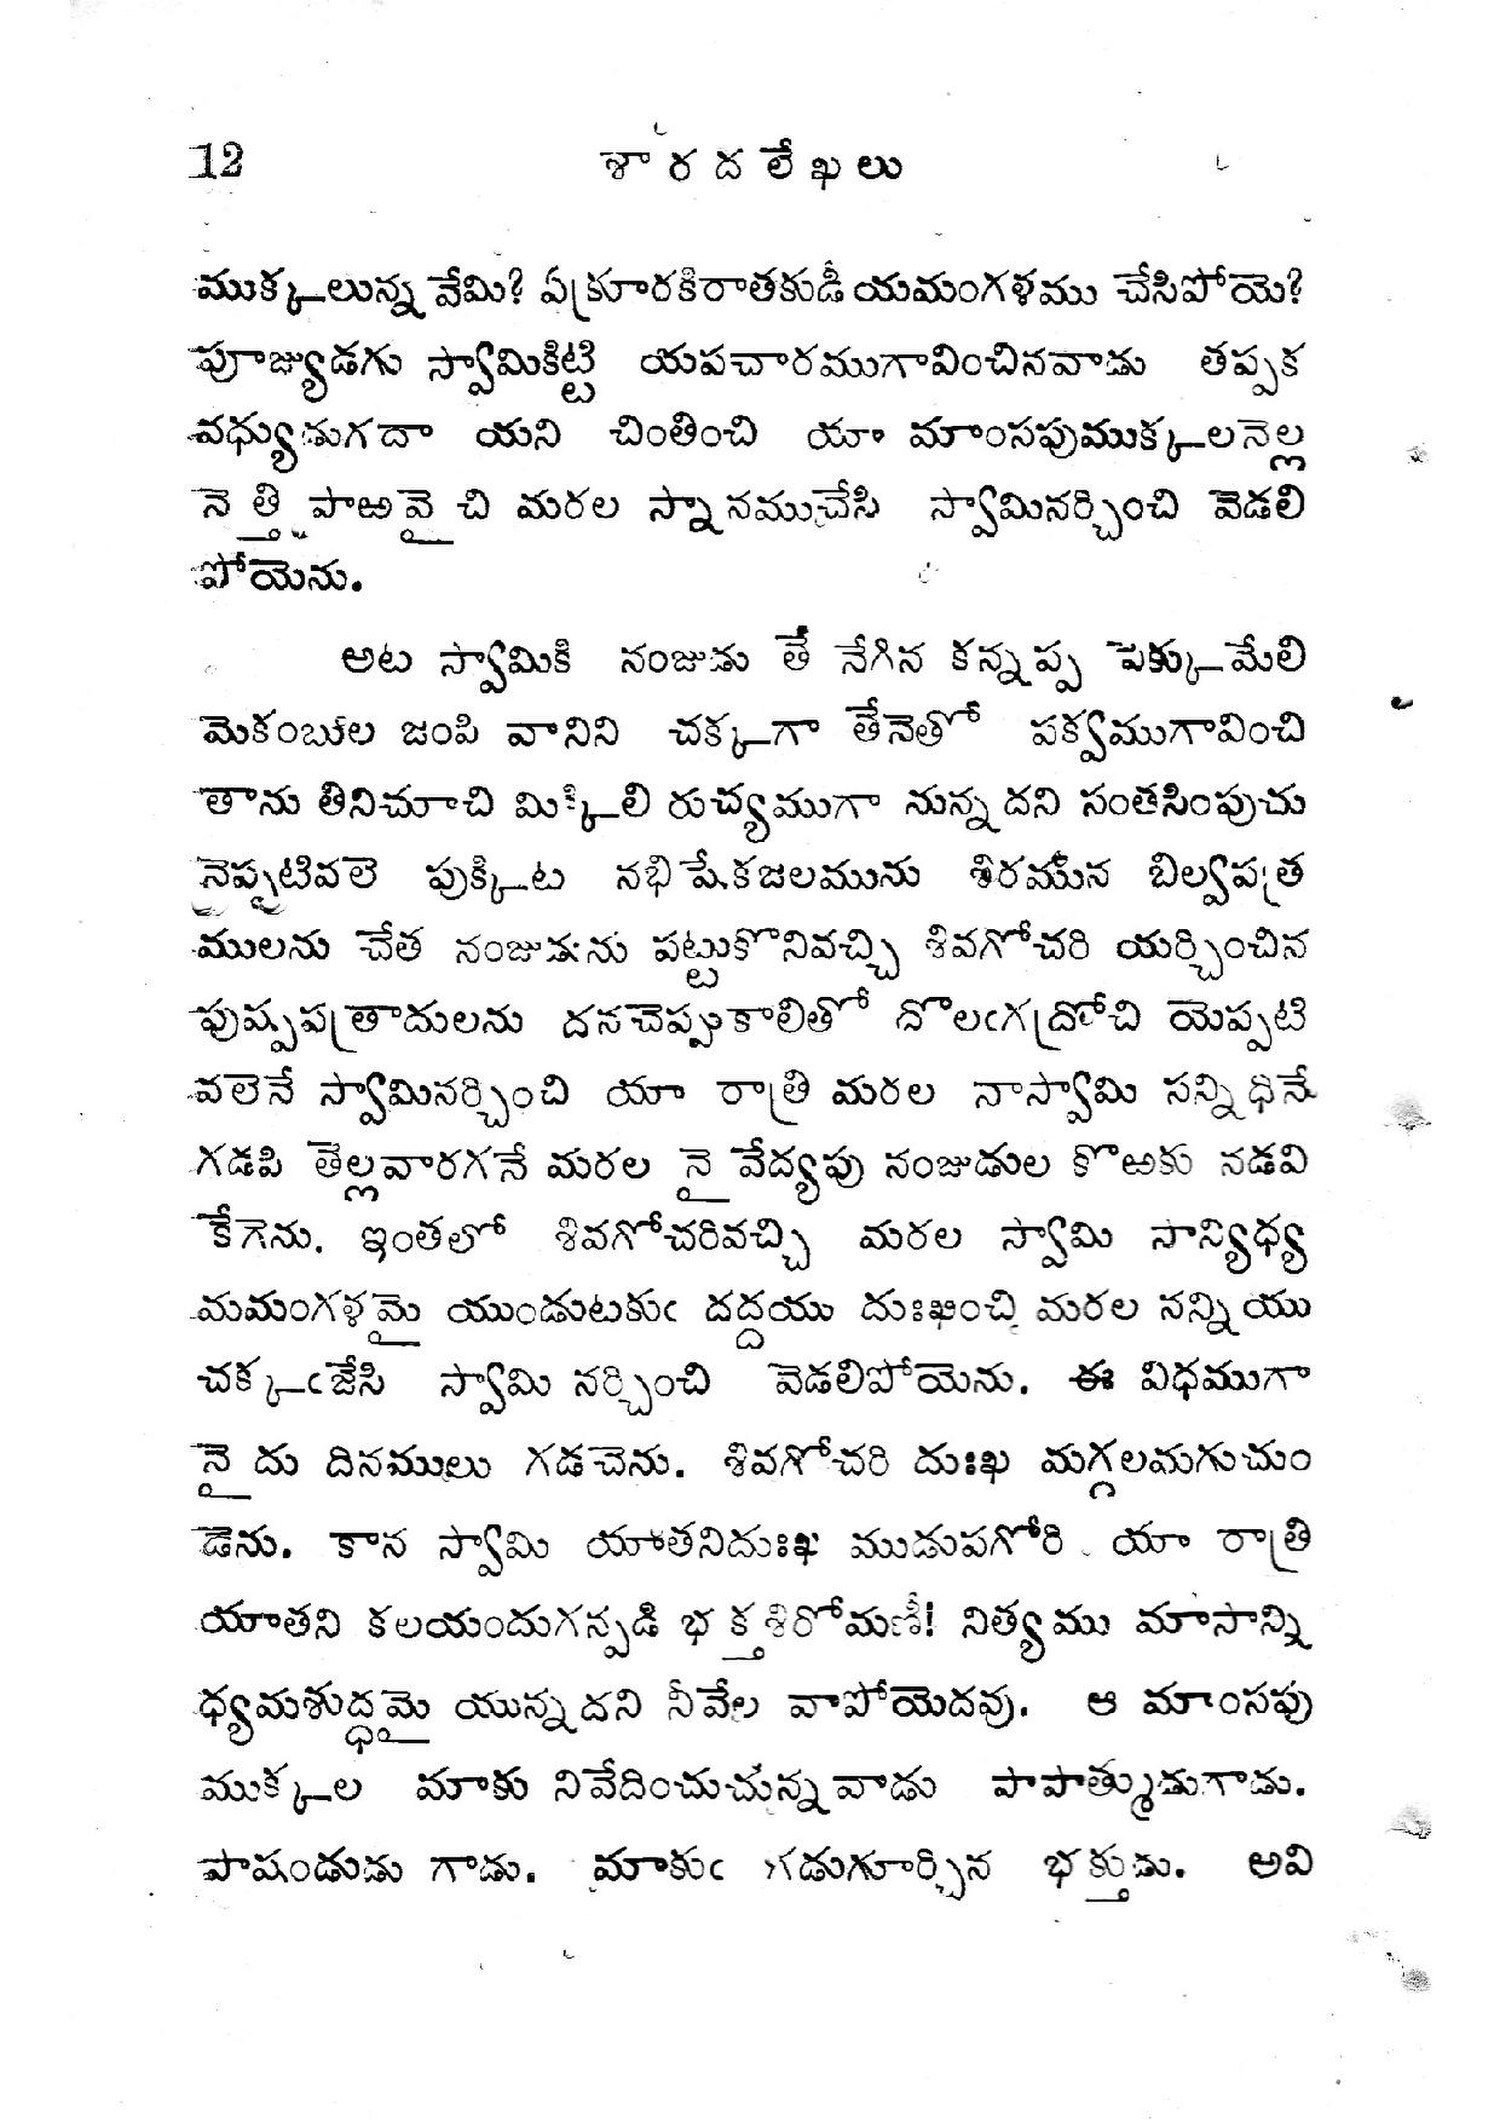ముక్కలున్న వేమి? ఏక్రూరకిరాతకుడీ యమంగళము చేసిపోయె? పూజ్యుడగు స్వామికిట్టి యపచారము గావించినవాడు తప్పక వధ్యుడుగదా యని చింతించి యా మాంసపుముక్కలనెల్ల నెత్తి పాఱవైచి మరల స్నానముచేసి స్వామినర్చించి వెడలిపోయెను.

అట స్వామికి నంజుడు తే నేగిన కన్నప్ప పెక్కుమేలి మెకంబుల జంపి వానిని చక్కగా తేనెతో పక్వముగావించి తాను తినిచూచి మిక్కిలి రుచ్యముగా నున్నదని సంతసింపుచు నెప్పటివలె పుక్కిట నభిషేకజలమును శిరమున బిల్వపత్రములను చేత నంజుడును పట్టుకొనివచ్చి శివగోచరి యర్చించిన
పుష్పపత్రాదులను దనచెప్పుకాలితో దొలఁగద్రోచి యెప్పటి వలెనే స్వామినర్చించి యా రాత్రి మరల నాస్వామి సన్నిధినే గడపి తెల్లవారగనే మరల నైవేద్యపు నంజుడుల కొఱకు నడవి కేగెను. ఇంతలో శివగోచరివచ్చి మరల స్వామి సాన్యిధ్య మమంగళమై యుండుటకుఁ దద్దయు దుఃఖించి మరల నన్నియు చక్కఁజేసి స్వామి నర్చించి వెడలిపోయెను. ఈ విధముగా నైదు దినములు గడచెను. శివగోచరి దుఃఖ మగ్గలమగుచుండెను. కాన స్వామి యాతనిదుఃఖ ముడుపగోరి యా రాత్రి యాతని కలయందుగన్పడి భక్తశిరోమణీ! నిత్యము మాసాన్నిధ్యమశుద్ధమై యున్నదని నీవేల వాపోయెదవు. ఆ మాంసపు ముక్కల మాకు నివేదించుచున్నవాడు పాపాత్ముడుగాడు. పాషండుడు గాడు. మాకుఁ గడుగూర్చిన భక్తుడు. అవి